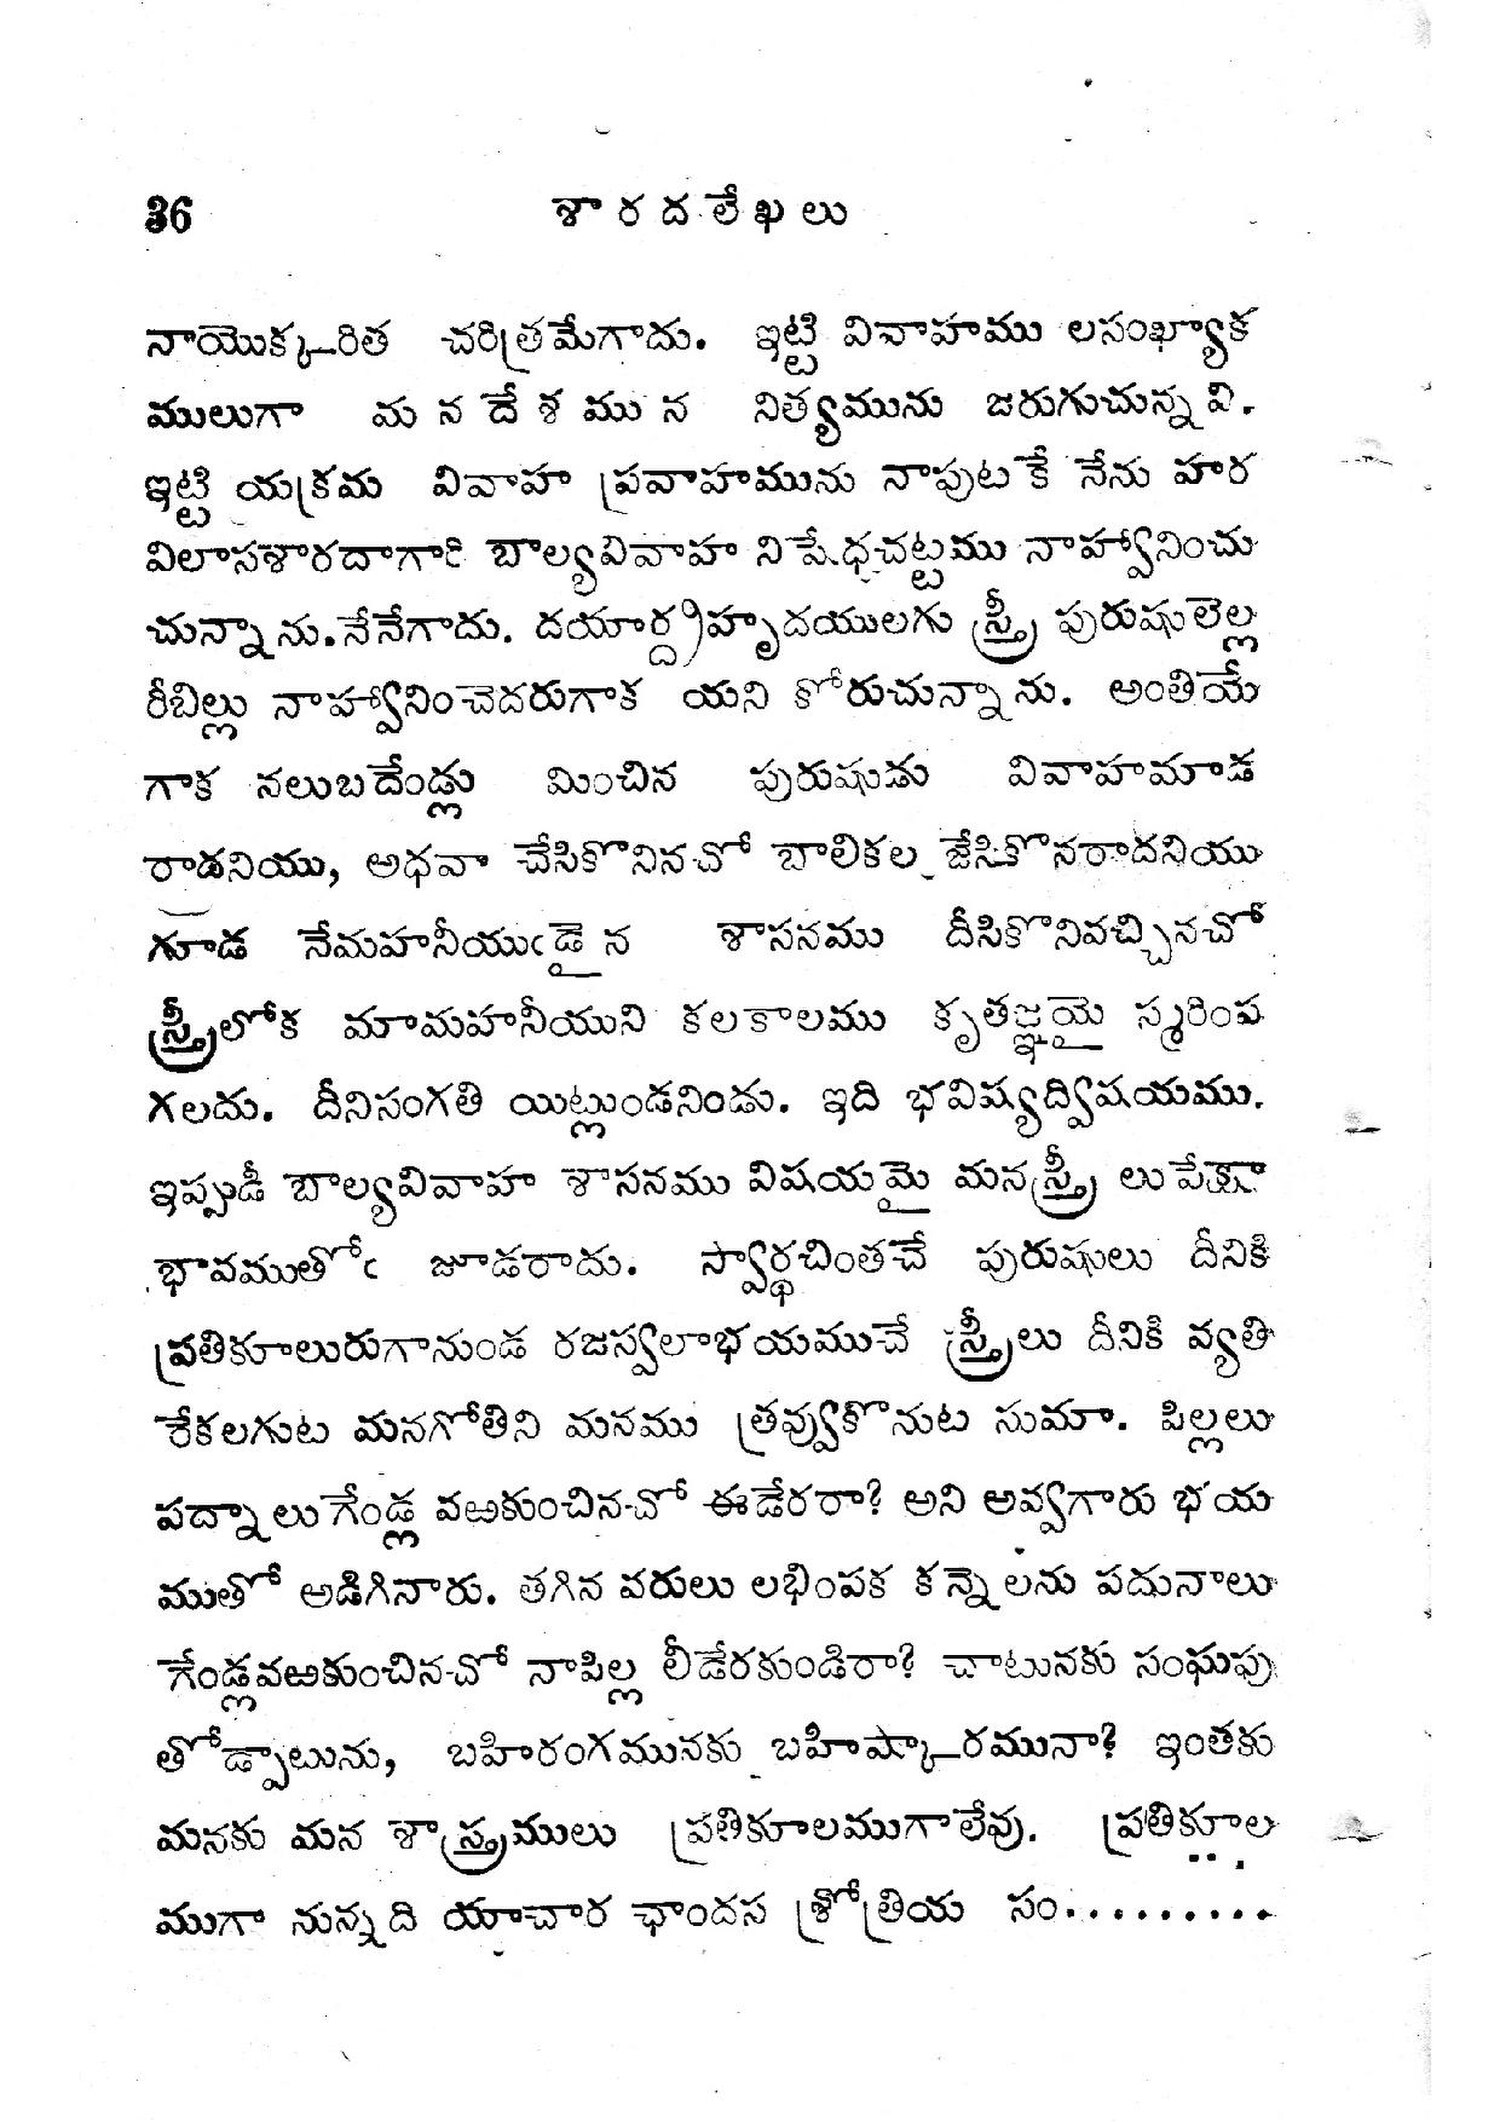నాయొక్కరిత చరిత్రమేగాదు. ఇట్టి వివాహము లసంఖ్యాకములుగా మనదేశమున నిత్యమును జరుగుచున్నవి. ఇట్టి యక్రమ వివాహ ప్రవాహమును నాపుటకే నేను హరవిలాసశారదాగారి బాల్యవివాహ నిషేధచట్టము నాహ్వానించుచున్నాను. నేనేగాదు. దయార్ద్రహృదయులగు స్త్రీ పురుషులెల్ల రీబిల్లు నాహ్వానించెదరుగాక యని కోరుచున్నాను. అంతియే గాక నలుబదేండ్లు మించిన పురుషుడు వివాహమాడ
రాదనియు, అధవా చేసికొనినచో బాలికల జేసికొనరాదనియు గూడ నేమహనీయుఁడైన శాసనము దీసికొనివచ్చినచో స్త్రీలోక మామహనీయుని కలకాలము కృతజ్ఞయై స్మరింపగలదు. దీనిసంగతి యిట్లుండనిండు. ఇది భవిష్యద్విషయము. ఇప్పుడీ బాల్యవివాహ శాసనము విషయమై మనస్త్రీ లుపేక్షా
భావముతోఁ జూడరాదు. స్వార్థచింతచే పురుషులు దీనికి ప్రతికూలురుగానుండ రజస్వలాభయముచే స్త్రీలు దీనికి వ్యతిరేకలగుట మనగోతిని మనము త్రవ్వుకొనుట సుమా. పిల్లలు పద్నాలుగేండ్ల వఱకుంచినచో ఈడేరరా? అని అవ్వగారు భయముతో అడిగినారు. తగిన వరులు లభింపక కన్నెలను పదునాలుగేండ్లవఱకుంచినచో నాపిల్ల లీడేరకుండిరా? చాటునకు సంఘపు తోడ్పాటును, బహిరంగమునకు బహిష్కారమునా? ఇంతకు మనకు మన శాస్త్రములు ప్రతికూలముగాలేవు. ప్రతికూలముగా నున్నది యాచార ఛాందస శ్రోత్రియ సం.....